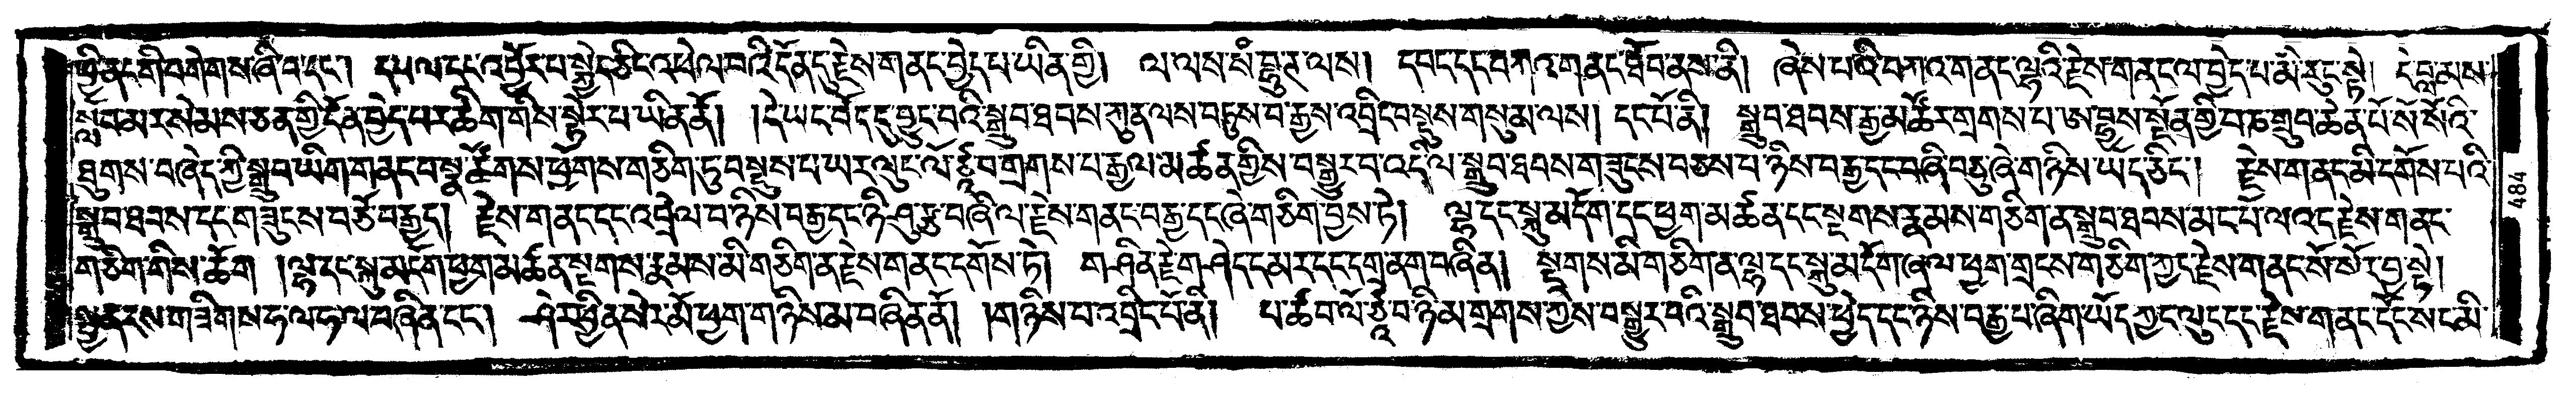ཕྱི་ནང་གི་བགེགས་ཞི་བ་དང་། དཔལ་དང་འབྱོར་པ་སྐྱེད་ཅིང་འཕེལ་བའི་དོན་དུ་རྗེས་གནང་བྱེད་པ་ཡིན་གྱི། ལ་ལས་སཾ་བྷུ་ཊ་ལས། དབང་དང་བཀའ་གནང་ཐོབ་ནས་ནི། ཞེས་པའི་བཀའ་གནང་ལྷའི་རྗེས་གནང་ལ་བྱེད་པ་མི་རུང་སྟེ། དེ་བླ་མས་
སློབ་མར་སེམས་ཅན་གྱི་དོན་བྱེད་པར་ཚིག་གིས་སྟེར་པ་ཡིན་ནོ། །དེ་ཡང་བོད་དུ་བྱུང་བའི་སྒྲུབ་ཐབས་ཀུན་ལས་བཏུས་བ་རྒྱས་འབྲིང་བསྡུས་གསུམ་ལས། དང་པོ་ནི། སྒྲུབ་ཐབས་རྒྱ་མཚོར་གྲགས་པ་ཨ་བྷྱས་སྔོན་གྱི་པཎ་གྲུབ་ཆེན་པོ་སོ་སོའི་
ཐུགས་བཞེད་ཀྱི་སྒྲུབ་ཡིག་གནང་བ་སྣ་ཚོགས་ཕྱོགས་གཅིག་ཏུ་བསྡུས་པ་ཡར་ལུང་ལོ་ཙཱ་བ་གྲགས་པ་རྒྱལ་མཚན་གྱིས་བསྒྱུར་བ་འདི་ལ་སྒྲུབ་ཐབས་གཟུངས་བཅས་པ་ཉིས་བརྒྱ་དང་བཞི་བཅུ་ཞེ་གཉིས་ཡོད་ཅིང་། རྗེས་གནང་མི་དགོས་པའི་
སྒྲུབ་ཐབས་དང་གཟུངས་བཅོ་བརྒྱད། རྗེས་གནང་དང་འབྲེལ་བ་ཉིས་བརྒྱ་དང་ཉི་ཤུ་རྩ་བཞི་ལ་རྗེས་གནང་བརྒྱ་དང་ཞེ་གཅིག་བྱས་ཏེ། ལྷ་དང་སྐུ་མདོག་དང་ཕྱག་མཚན་དང་སྔགས་རྣམས་གཅིག་ན་སྒྲུབ་ཐབས་མང་པོ་ལའང་རྗེས་གནང་
གཅིག་གིས་ཆོག །ལྷ་དང་སྐུ་མདོག་ཕྱག་མཚན་སྔགས་རྣམས་མི་གཅིག་ན་རྗེས་གནང་དགོས་ཏེ། གཤིན་རྗེ་གཤེད་དམར་དང་དགྲ་ནག་བཞིན། སྔགས་མི་གཅིག་ན་ལྷ་དང་སྐུ་མདོག་ཞལ་ཕྱག་གྲངས་གཅིག་ཀྱང་རྗེས་གནང་སོ་སོར་བྱ་སྟེ།
སྤྱན་རས་གཟིགས་ཧ་ལ་ཧ་ལ་བཞིན་དང་། ཤེར་ཕྱིན་སེར་མོ་ཕྱག་གཉིས་མ་བཞིན་ནོ། །གཉིས་པ་འབྲིང་པོ་ནི། པ་ཚ་བ་ལོ་ཙཱ་བ་ཉི་མ་གྲགས་ཀྱིས་བསྒྱུར་བའི་སྒྲུབ་ཐབས་ཕྱེད་དང་ཉིས་བརྒྱ་པ་ཞིག་ཡོད་ཀྱང་ལུང་དང་རྗེས་གནང་དོང་སང་མི་